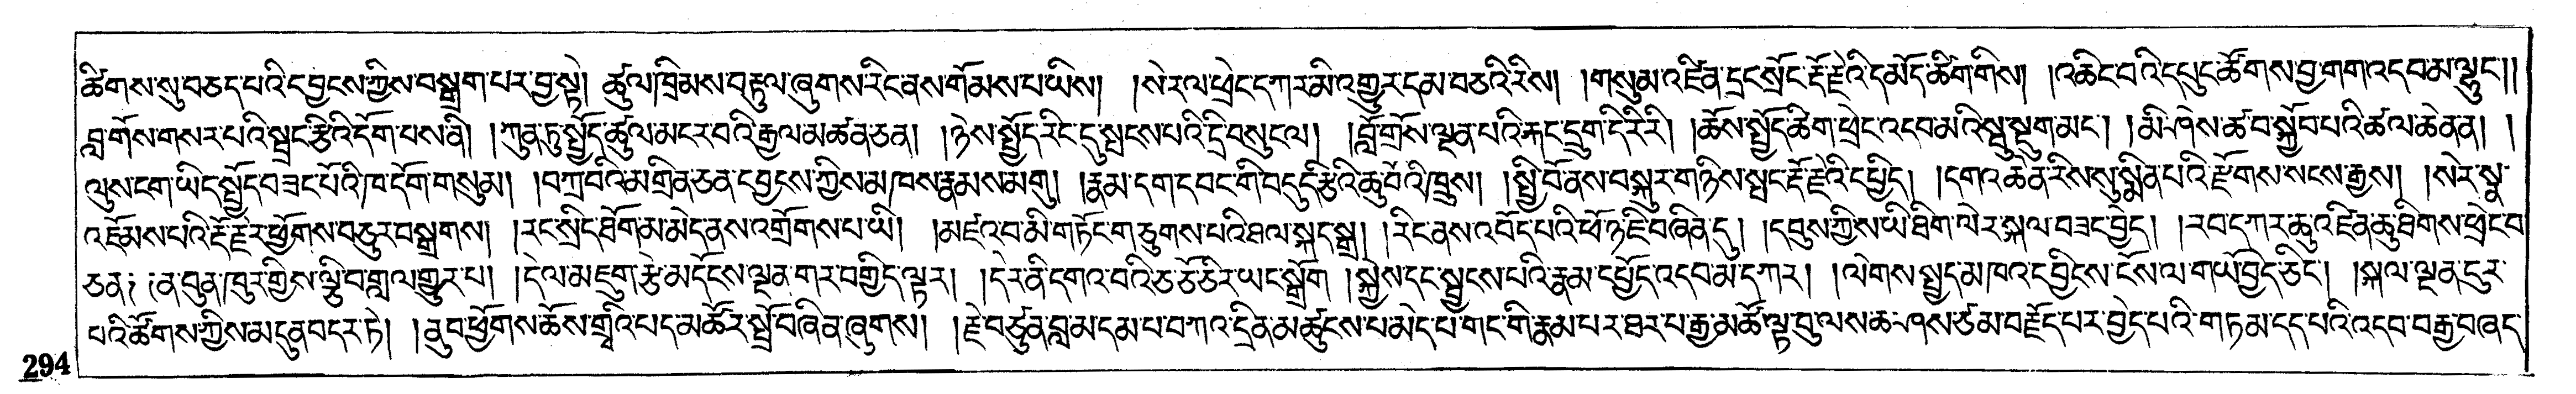ཚིགས་སུ་བཅད་པའི་དབྱངས་ཀྱིས་བསྒྲག་པར་བྱ་སྟེ། ཚུལ་ཁྲིམས་བརྟུལ་ཞུགས་རིང་ནས་གོམས་པ་ཡིས། །སེ་རལ་ཕྲེང་དཀར་མི་འགྱུར་དམ་བཅའི་རིས། །གསུམ་འཛིན་དྲང་སྲོང་རྡོ་རྗེའི་དམོད་ཚིག་གིས། །འཆིང་བའི་དཔུང་ཚོགས་བྱ་གག་འདབ་མ་ལྷུང་།
བླ་གོས་གསར་པའི་སྦྲང་རྩིའི་དོག་པས་ནི། །ཀུན་ཏུ་སྤྱོད་ཚུལ་མངར་བའི་རྒྱལ་མཚན་ཅན། །ཉེས་སྤྱོད་རིང་དུ་སྤངས་བའི་དྲི་བསྲུང་ལ། །བློ་གྲོས་ལྡན་པའི་རྐང་དྲུག་དི་རི་རི། །ཆོས་སྤྱོད་ཚིག་ཕྲེང་འདབ་མའི་སྤུ་སྡུག་མང་། །མི་ཤེས་ཚ་བ་སྐྱོབ་པའི་ཚལ་ཆེན་ན། །
ལུས་ངག་ཡིད་སྤྱོད་བཟང་པོའི་ཁ་དོག་གསུམ། །བཀྲ་བའི་མགྲིན་ཅན་དབྱངས་ཀྱིས་མཁས་རྣམས་མགུ། །རྣམ་དག་དབང་གི་བདུད་རྩིའི་ཆུ་བོའི་ཁྲུས། །སྤྱི་བོ་ནས་བསྐུར་གཉིས་སྤང་རྡོ་རྗེའི་དཔྱིད། །དགའ་ཆེན་རིས་སུ་སྨིན་པའི་རྫོགས་སངས་རྒྱས། །སེར་སྣ་
འཛོམས་པའི་རྡོ་རྗེར་ཕྱོགས་བཅུར་བསྒྲགས། །རང་སྲིད་ཐོག་མ་མེད་ནས་འགྲོགས་པ་ཡི། །མཛའ་བ་མི་གཏོང་གཅུགས་པའི་ཐལ་སྐད་སྒྲ། །རིང་ནས་འབོད་པའི་ཕོ་ཉ་ཇི་བཞིན་དུ། །དབུས་ཀྱི་ས་ཡི་ཐིག་ལེར་སྐལ་བཟང་བྱེད། །རབ་དཀར་ཆུ་འཛིན་ཆུ་ཐིགས་ཕྲེང་བ་
ཅན༑ ༑ན་བུན་ཁུར་གྱིས་ལྕི་བ་གླལ་གྱུར་པ། །དེ་ལ་མཇུག་རྩེ་མདོངས་ལྡན་གར་བགྱིད་ལྟར། །དེར་ནི་དགའ་བའི་ཅ་ཅོ་ཅིར་ཡང་སྒྲོག །སྐྱེས་དང་སྦྱངས་པའི་རྣམ་དཔྱོད་འདབ་མ་དཀར། །ལེགས་སྤྱད་མཁའ་དབྱིངས་ངོས་ལ་གཡོ་བྱེད་ཅིང་། །སྐལ་ལྡན་དུར་
པའི་ཚོགས་ཀྱིས་མདུན་བདར་ཏེ། །ནུབ་ཕྱོགས་ཆོས་གྲྭའི་པད་མཚོར་སྒྲོ་བཞིན་ཞུགས། །རྗེ་བཙུན་བླ་མ་དམ་པ་བཀའ་དྲིན་མཚུངས་པ་མེད་པ་གང་གི་རྣམ་པར་ཐར་པ་རྒྱ་མཚོ་ལྟ་བུ་ལས་ཆ་ཤས་ཙམ་བརྗོད་པར་བྱེད་པའི་གཏམ་དད་པའི་འདབ་བརྒྱ་བཞད་